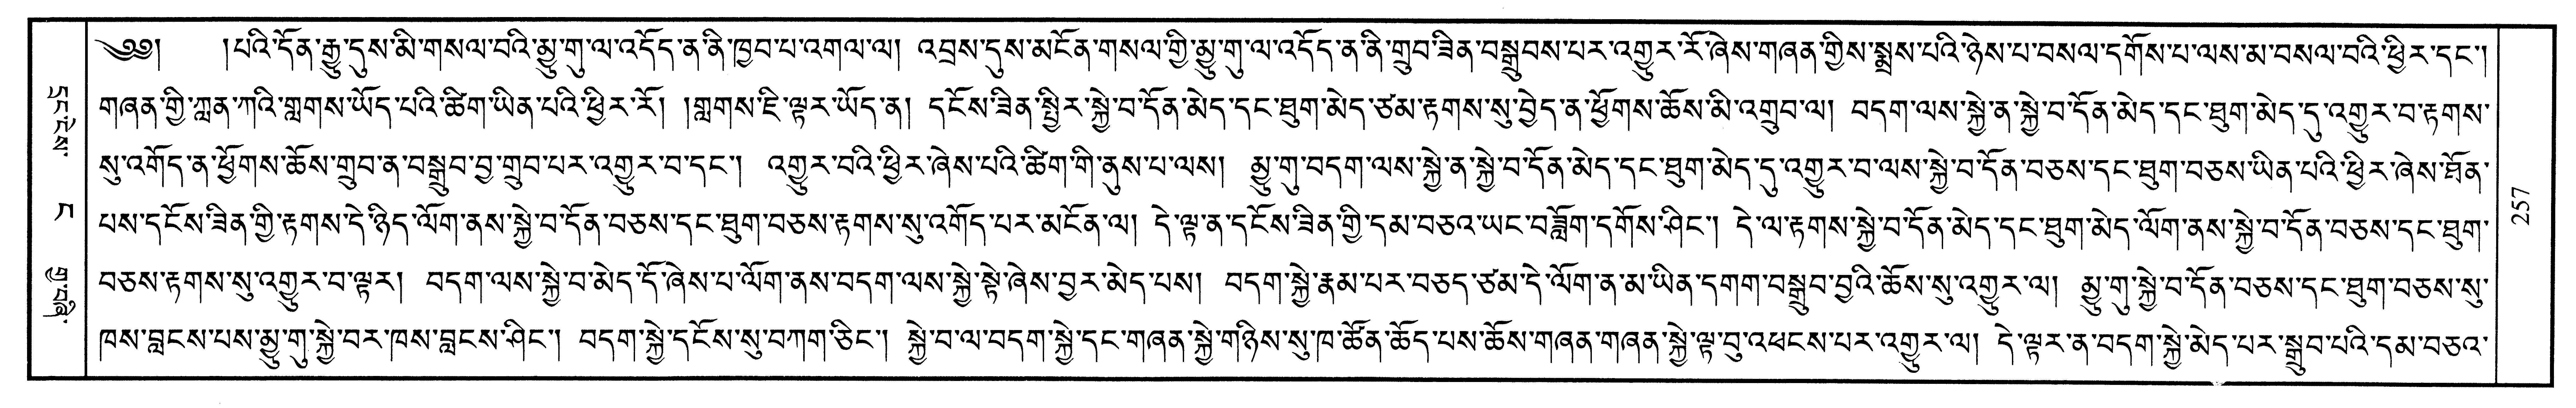༄༅། །པའི་དོན་རྒྱུ་དུས་མི་གསལ་བའི་མྱུ་གུ་ལ་འདོད་ན་ནི་ཁྱབ་པ་འགལ་ལ། འབྲས་དུས་མངོན་གསལ་གྱི་མྱུ་གུ་ལ་འདོད་ན་ནི་གྲུབ་ཟིན་བསྒྲུབས་པར་འགྱུར་རོ་ཞེས་གཞན་གྱིས་སྨྲས་པའི་ཉེས་པ་བསལ་དགོས་པ་ལས་མ་བསལ་བའི་ཕྱིར་དང་།
གཞན་གྱི་ཀླན་ཀའི་གླགས་ཡོད་པའི་ཚིག་ཡིན་པའི་ཕྱིར་རོ། །གླགས་ཇི་ལྟར་ཡོད་ན། དངོས་ཟིན་སྤྱིར་སྐྱེ་བ་དོན་མེད་དང་ཐུགས་མེད་ཙམ་རྟགས་སུ་བྱེད་ན་ཕྱོགས་ཆོས་མི་འགྲུབ་ལ། །བདག་ལས་སྐྱེ་བ་ན་སྐྱེ་བ་དོན་མེད་དང་ཐུག་མེད་དུ་འགྱུར་བ་རྟགས་
སུ་འགོད་ན་ཕྱོགས་ཆོས་གྲུབ་ན་བསྒྲུབ་བྱ་གྲུབ་པར་འགྱུར་བ་དང་། འགྱུར་བའི་ཕྱིར་ཞེས་པའི་ཚིག་གི་ནུས་པ་ལས། མྱུ་གུ་བདག་ལས་སྐྱེ་ན་སྐྱེ་བ་དོན་མེད་དང་ཐུག་མེད་དུ་འགྱུར་བ་ལས་སྐྱེ་བ་དོན་བཅས་དང་ཐུག་བཅས་ཡིན་པའི་ཕྱིར་ཞེས་ཐོན་
པས་དངོས་ཟིན་གྱི་རྟགས་དེ་ཉིད་ལོག་ནས་སྐྱེ་བ་དོན་བཅས་དང་ཐུག་བཅས་རྟགས་སུ་འགོད་པར་མངོན་ལ། དེ་ལྟ་ན་དངོས་ཟིན་གྱི་དམ་བཅའ་ཡང་བཟློག་དགོས་ཤིང་། དེ་ལ་རྟགས་སྐྱེ་བ་དོན་མེད་དང་ཐུག་མེད་ལོག་ནས་སྐྱེ་བ་དོན་བཅས་དང་ཐུག་
བཅས་རྟགས་སུ་འགྱུར་བ་ལྟར། བདག་ལས་སྐྱེ་བ་མེད་དོ་ཞེས་པ་ལོག་ནས་བདག་ལས་སྐྱེ་སྟེ་ཞེས་བྱར་མེད་པས། བདག་སྐྱེ་རྣམ་པར་བཅས་ཙམ་དེ་ལོག་ན་མ་ཡིན་དགག་བསྒྲུབ་བྱའི་ཆོས་སུ་འགྱུར་ལ། མྱུ་གུ་སྐྱེ་བ་དོན་བཅས་དང་ཐུག་བཅས་སུ་
ཁས་བླངས་པས་མྱུ་གུ་སྐྱེ་བར་ཁས་བླངས་ཤིང་། བདག་སྐྱེ་དངོས་སུ་བཀག་ཅིང་། སྐྱེ་བ་ལ་བདག་སྐྱེ་དང་གཞན་སྐྱེ་གཉིས་སུ་ཁ་ཚོན་ཆོད་པས་ཆོས་གཞན་གཞན་སྐྱེ་ལྟ་བུ་འཕངས་པར་འགྱུར་ལ། དེ་ལྟར་ན་བདག་སྐྱེ་མེད་པར་སྒྲུབ་པའི་དམ་བཅའ་